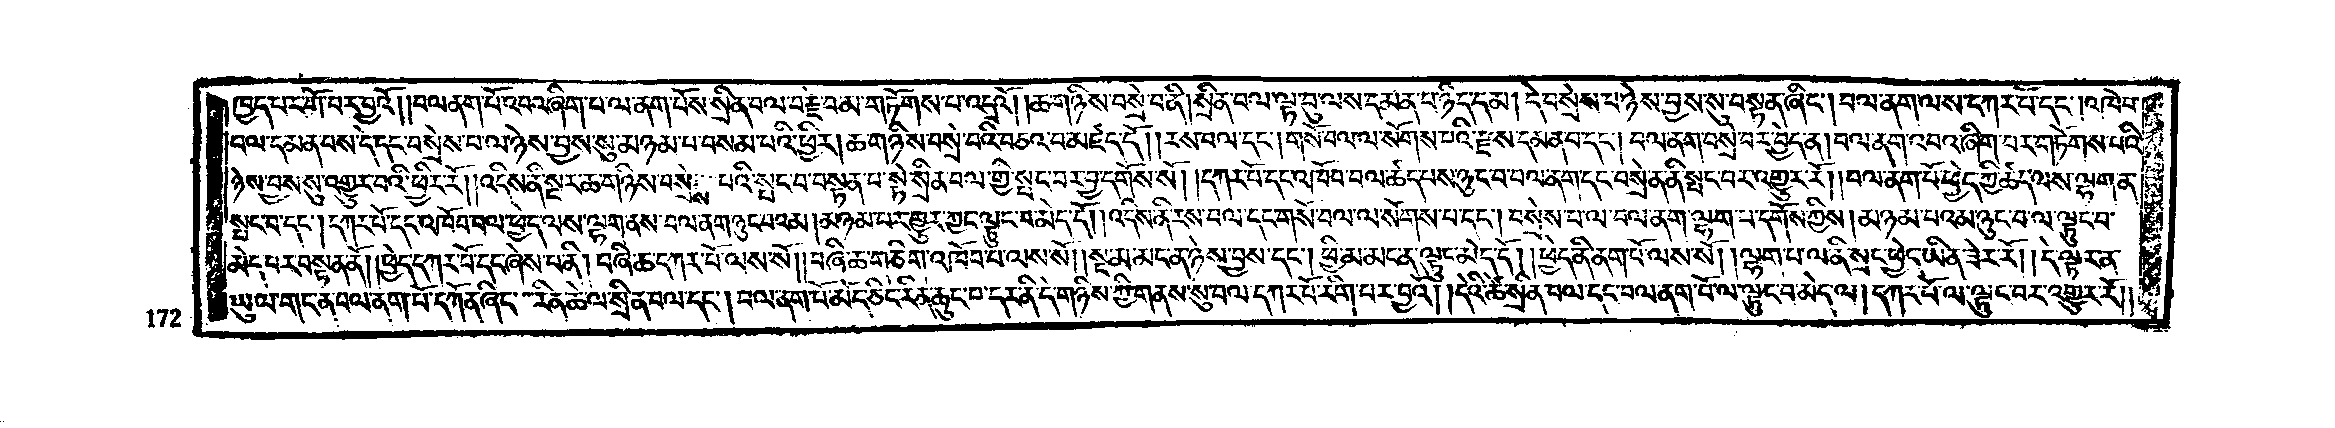ཁྱད་པར་གོ་བར་བྱའོ། །བལ་ནག་དོ་འབའ་ཞིག་པ་ལ་ནག་པོས་སྲིན་བལ་བརྗེ་བ་མ་གཏོགས་པ་འདྲའོ། །ཆ་གཉིས་བསྲེ་བ་ནི། སྲིན་བལ་ལྟ་བུ་ལས་དམན་པ་ཉིད་དམ། དེ་བསྲེས་པ་ཉེས་བྱས་སུ་བསྟན་ཞིང་། བལ་ནག་ལས་དཀར་པོ་དང་། འཁོབ་
བལ་དམན་པས་དེ་དང་བསྲེས་པ་ལ་ཉེས་བྱས་སུ་མཉམ་པ་བསམ་པའི་ཕྱིར། ཆ་གཉིས་བསྲེ་བའི་བཅའ་བ་མཛད་དོ། །རས་བླ་དང་། གསོ་བལ་ལ་སོགས་པའི་རྫས་དམན་པ་དང་། བལ་ནག་བསྲེ་བར་བྱེད་ན། བལ་ནག་འབའ་ཞིག་པར་གཏོགས་པའི་
ཉེས་བྱས་སུ་འགྱུར་བའི་ཕྱིར་རོ། །འདིས་ནི་སྔར་ཆ་གཉིས་བསྲེས། པའི་སྤང་བ་བསྟན་པ་སྟེ་སྲིན་བལ་གྱི་སྤང་བར་བྱ་དགོས་སོ། །དཀར་པོ་དང་འཁོབ་བལ་ཚད་པས་ཉུང་བ་བལ་ནག་དང་བསྲེ་ན་ནི་སྤང་བར་འགྱུར་རོ། །བལ་ནག་པོ་ཕྱེད་ཀྱི་ཚད་ལས་ལྷག་ན་
སྤང་བ་དང་། དཀར་པོ་དང་འཁོབ་བལ་ཕྱེད་ལས་ལྷག་ནས་བལ་ནག་ཉུང་བའམ། མཉམ་པར་གྱུར་ཀྱང་ལྟུང་བ་མེད་དོ། །འདིས་ནི་རས་བལ་དང་གསོ་བལ་ལ་སོགས་པ་དང་། བསྲེས་པ་ལ་བལ་ནག་ལྷག་པ་དགོས་ཀྱིས། མཉམ་པའམ་ཉུང་བལ་ལྟུང་བ་
མེད་པར་བསྟན་ནོ། །ཕྱེད་དཀར་པོ་དང་ཞེས་པ་ནི། བཞི་ཆ་དཀར་པོ་ལས་སོ། །བཞི་ཆ་གཅིག་འཁོབ་པ་ལས་སོ། །སྔ་མ་མང་ན་ཉེས་བྱས་དང་། ཕྱི་མ་མང་ན་ལྟུང་མེད་དོ། །ཕྱེད་ནི་ནག་པོ་ལས་སོ། །ལྷག་པ་ལ་ནི་སྲང་ཕྱེད་ཡིན་ཟེར་རོ། །དེ་ལྟར་ན་
ཡུལ་གང་ན་བལ་ནག་པོ་དཀོན་ཞིང་རིན་ཆེ་ལ་སྲིན་བལ་དང་། བལ་ནག་པོ་མོད་ཅིང་རིན་ཆུང་བ་དེར་ནི་དེ་གཉིས་ཀྱི་གནས་སུ་བལ་དཀར་པོ་རིག་པར་བྱའོ། །དེའི་ཚེ་སྲིན་བལ་དང་བལ་ནག་པོ་ལ་ལྟུང་བ་མེད་ལ། དཀར་པོ་ལ་ལྟུང་བར་འགྱུར་རོ།།